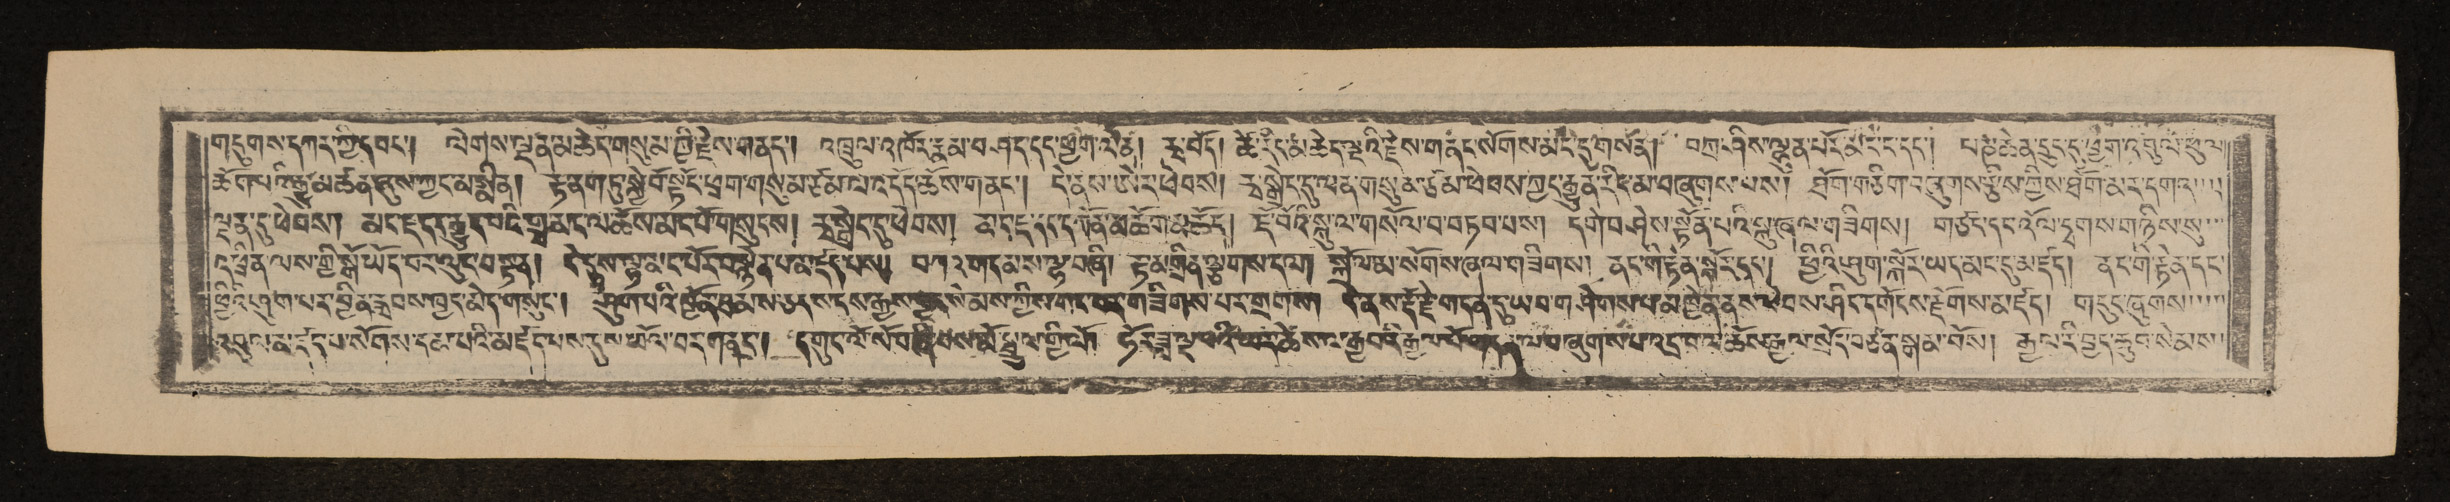གདུགས་དཀར་གྱི་དབང་། ལེགས་ལྡན་མཆེད་གསུམ་གྱི་རྗེས་གནང་། འཁྲུལ་འཁོར་རྣམ་བཤད་དང་ཕྱག་ལེན། རྭ་བོད། ཚེ་རིང་མཆེད་ལྔའི་རྗེས་གནང་སོགས་མང་དུ་གསན། བཀྲ་ཤིས་ལྷུན་པོར་མང་ཇ་དང་། པཎ་ཆེན་དྲུང་དུ་ཕྱག་འབུལ་ཕུལ་
ཆོག་པའི་རྒྱུ་མཚན་ཞུས་ཀྱང་མ་སྨིན། རྟ་ནག་ཏུ་སྐྱེ་བོ་སྟོང་ཕྲག་གསུམ་ཙམ་ལ་འདོད་ཆོས་གནང་། དེ་ནས་ཨེར་ཕེབས། རྭ་སྒྲེང་དུ་ལན་གསུམ་ཙམ་ཕེབས་ཀྱང་རྒྱུན་རིང་མ་བཞུགས་པས། ཐོག་གཅིག་བཞུགས་རྩིས་ཀྱིས་ཐོག་མར་དགའ་
ལྡན་དུ་ཕེབས། མང་ཇ་དང་རྒྱུད་པའི་གྲྭ་མང་ལ་ཆོས་མང་པོ་གསུངས། རྭ་སྒྲེང་དུ་ཕེབས། མང་ཇ་དང་དཀོན་མཆོག་མཆོད། ཇོ་བོའི་སྐུ་ལ་གསོལ་བ་བཏབ་པས། དགེ་བཤེས་སྟོན་པའི་སྐུ་ཞལ་གཟིགས། གཙང་དང་འོལ་དྭགས་གཉིས་སུ་
འཕྲིན་ལས་ཀྱི་སྒོ་ཡོད་པར་ལུང་བསྟན། དེ་དུས་ལྷ་མང་པོར་བསྙེན་པ་མཛད་པས། བཀའ་གདམས་ལྷ་བཞི། རྟ་མགྲིན་ལྕགས་རལ། སྒྲོལ་མ་སོགས་ཞལ་གཟིགས། ནང་གི་རྟེན་སྐོར་དང་། ཕྱིའི་ཤུག་སྐོར་ཡང་མང་དུ་མཛད། ནང་གི་རྟེན་དང་
ཕྱིའི་ཤུག་པར་བྱིན་རླབས་ཁྱད་མེད་གསུང་། ཤུག་པའི་ཁྱོན་ཐམས་ཅད་སངས་རྒྱས་བྱང་སེམས་ཀྱིས་གང་པར་གཟིགས་པར་གྲགས། དེ་ནས་རྡོ་རྗེ་གདན་དུ་ཡབ་གཤེགས་པ་མཁྱེན་ནས་ཕེབས་ཤིང་དགོངས་རྫོགས་མཛད། གདུང་ཞུགས་
འབུལ་མཛད་པ་སོགས་དམ་པའི་མཛད་པས་དུས་ཡོལ་བར་གནང་། དགུང་ལོ་སོ་བཞི་པ་ས་མོ་སྦྲུལ་གྱི་ལོ། ཧོར་ཟླ་ལྔ་པའི་ཡར་ཚེས་ལ་རྒྱབ་རི་རྒྱལ་པོ་གདན་ལ་བཞུགས་པ་འདྲ་བ་ལ་ཆོས་རྒྱལ་སྲོང་བཙན་སྒམ་པོས། རྒྱལ་རི་བྱང་ཆུབ་སེམས་